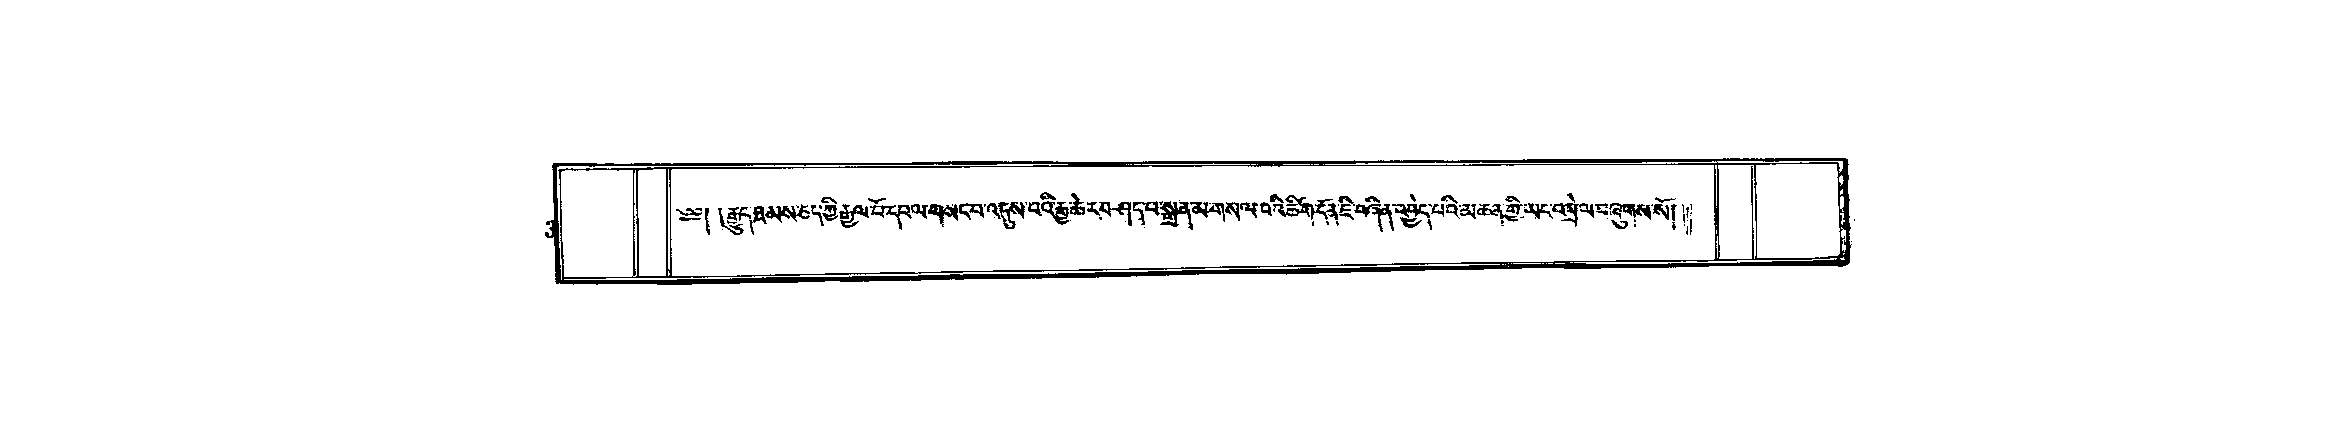༄༅། །རྒྱུད་ཐམས་ཅད་ཀྱི་རྒྱལ་པོ་དཔལ་གསང་བ་འདུས་པའི་རྒྱ་ཆེར་བཤད་པ་སྒྲོན་མ་གསལ་བའི་ཚིག་དོན་ཇི་བཞིན་འབྱེད་པའི་མཚན་གྱི་ཡང་འགྲེལ་བཞུགས་སོ། །